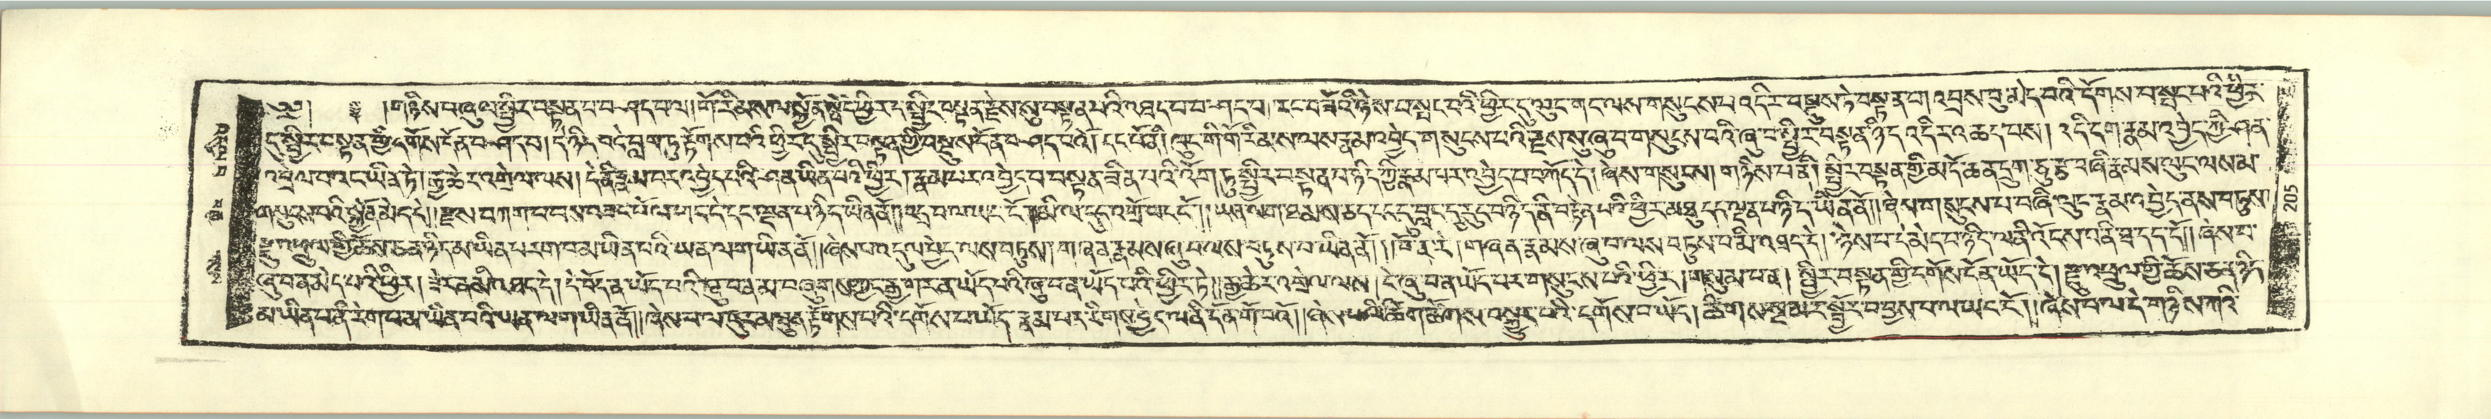༄༅། ༈ །གཉིས་པ་ཞུལ་སྤྱིར་བསྟན་པ་བཤད་པ་ལ། གོ་རིམས་ལ་སྐྱོན་སྤོང་ཕྱིར་ད་སྤྱིར་བསྟན་རྗེས་སུ་བསྟན་པའི་འཐད་པ་བཤད་པ། རང་བཟོའི་ཉེས་པ་སྤང་བའི་ཕྱིར་དུ་ལུང་གང་ལས་གསུངས་པ་འདིར་བསྡུས་ཏེ་བསྟན་པ། འབྲས་བུ་མེད་བའི་དོགས་པ་སྤང་པའི་ཕྱིར་
དུ་སྤྱིར་བསྟན་གྱི་དགོས་དོན་བཤད་པ། དེ་ཉིད་བདེ་བླག་ཏུ་རྟོགས་པའི་ཕྱིར་དུ་སྤྱིར་བསྟན་གྱི་བསྡུས་དོན་བཤད་པའོ། །དང་པོ་ནི། ལུང་གི་གོ་རིམས་ལས་རྣམ་འབྱེད་གསུངས་པའི་རྫས་སུ་ཞུ་བ་གསུངས་བའི་ཞུ་བ་སྤྱིར་བསྟན་ཉིད་འདིར་འཆད་པས། འདི་དག་རྣམ་འབྱེད་ཀྱི་ཤན་
འབྲེལ་བ་འང་ཡིན་ཏེ། རྒྱ་ཆེར་འགྲེལ་ལས། དེ་ནི་རྣམ་བར་འབྱེད་པའི་ཤན་ཡིན་པའི་ཕྱིར། རྣམ་པར་འབྱེད་པ་བསྟན་ཟིན་པའི་འོག་ཏུ་སྤྱིར་བསྟན་པ་ཉིད་ཀྱི་རྣམ་པར་འབྱེད་པ་བཀོད་དེ། ཞེས་གསུངས། གཉིས་པ་ནི། སྤྱིར་བསྟན་གྱི་མདོ་ཆན་དྲུག་ཅུ་རྩ་བཞི་རྣམས་ལུང་ལས་མ་
གསུངས་པའི་སྐྱོན་མེད་དེ། །རྫས་བཀག་པ་བས་བཟང་པོ་ལ་ཡང་དེ་དང་ལྡན་པ་ཉིད་ཡིན་ནོ། །འདྲ་བ་ལ་ཡང་ངོ། མི་ལ་དུད་འགྲོ་ཡང་ངོ། །ཡན་ལག་ཐམས་ཅད་དང་དུ་བླང་དུ་རུང་བ་ཉིད་ནི་བརྟེན་པའི་ཕྱིར་མཐུ་དང་ལྡན་པ་ཉིད་ཡིན་ནོ། །ཞེས་གསུངས་པ་བཞི་ལུང་རྣམ་འབྱེད་ནས་བཏུས་
རྫུ་འཕྲུལ་གྱི་ཆོས་ཅན་ཉིད་མ་ཡིན་པར་ག་བ་མ་ཡིན་པའི་ཡན་ལག་ཡིན་ནོ། །ཞེས་པ་འདུལ་བྱེད་ལས་བཏུས། གཞན་རྣམས་ཞུ་བ་ལས་བཏུས་བ་ཡིན་ནོ། །ཁོ་ན་རེ། གཞན་རྣམས་ཞུ་བ་ལས་བཏུས་པ་མི་འཐད་དེ། ཉེས་པ་དེ་མེད་པ་ཉིད་ལ་ནི་འོངས་པ་ནི་ཐ་དད་དོ། །ཞེས་པ་
ཞུ་བ་ན་མེད་པའི་ཕྱིར། ཟེར་ན་མི་འཐད་དེ། དེ་བོད་ན་ཡོད་པའི་ཞུ་བ་ན་མ་བཞུགས་ཀྱང་རྒྱ་གར་ན་ཡོད་པའི་ཞུ་བ་ན་ཡོད་པའི་ཕྱིར་ཏེ། །རྒྱ་ཆེར་འགྲེལ་ལས། ངེ་ཞུ་བ་ན་ཡོད་པར་གསུངས་པའི་ཕྱིར། གསུམ་པ་ན། སྤྱིར་བསྟན་གྱི་དགོས་དོན་ཡོད་དེ། རྫུ་འཕྲུལ་གྱི་ཆོས་ཅན་ཉིད་
མ་ཡིན་པ་ནི་རེག་པ་མ་ཡིན་པའི་ཡན་ལག་ཡིན་ནོ། །ཞེས་པ་ལ་དུར་མ་ཐུན་རྟོགས་པའི་དགོས་པ་ཡོད་རྣམ་པར་རིགས་བྱེད་ལ་ནི་དོན་གོ་བའོ། །ཞེས་པའི་ཚིག་ཚོགས་བསྐྱུར་བའི་དགོས་པ་ཡོད། ཚིགས་སྔ་མར་སྦྱོར་བ་བྱས་པ་ལ་ཡང་ངོ། །ཞེས་པ་ལ་དེ་གཉིས་ཀའི་